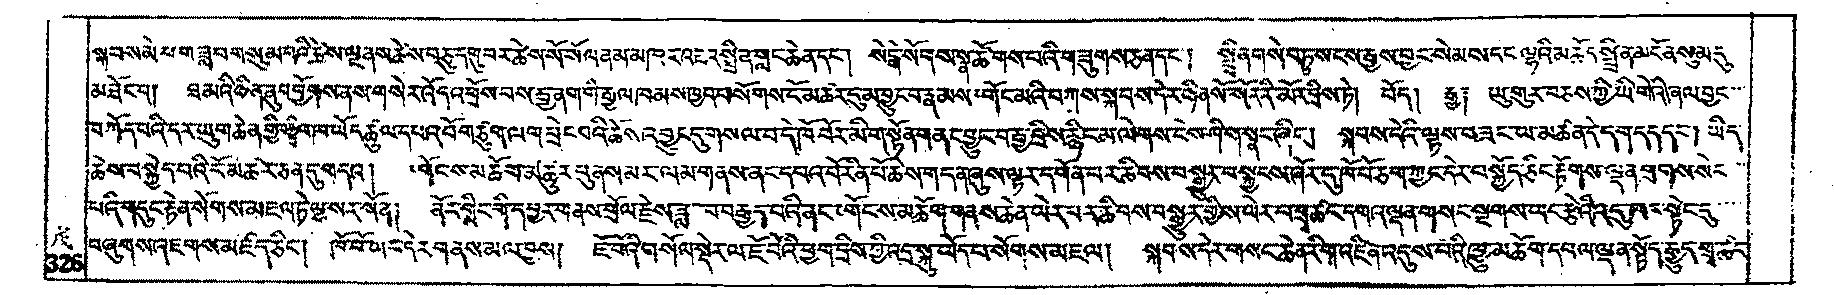སྐབས་མེ་ཕག་ཟླ་བ་གསུམ་པའི་ཚེས་ལྔ་ནས་ཚེས་བཅུ་དགུ་པར་ཚེས་སོ་སོལ་ནམ་མཁར་འཇའ་སྤྲིན་གླང་ཆེན་དང་། སེངྒེ་སོགས་སྣ་ཚོགས་པའི་གཟུགས་ཅན་དང་། སྤྲིན་གསེབ་ཏུ་སངས་རྒྱས་བྱང་སེམས་དང་ལྷའི་མཆོད་སྤྲིན་མངོན་སུམ་དུ་
མཐོང་བ། ཐ་མའི་ཉིན་ནུབ་ཕྱོགས་ནས་གསེར་འོད་འཕྲོས་པས་རྒྱ་ནག་གི་རྒྱལ་ཁམས་ཁྱབ་པ་སོགས་ངོ་མཚར་དུ་མ་བྱུང་བ་རྣམས ༧གོང་མའི་བཀས་སྐབས་དེར་ཉིན་སོ་སོར་རི་མོར་བྲིས་ཏེ། བོད། རྒྱ༑ ཡུ་གུར་བཅས་ཀྱི་ཡི་གེའི་ཞལ་བྱང་
བཀོད་པའི་དར་ཡུག་ཆེན་གྱི་བསྒྲིལ་ཁ་ཡོད་ཚུལ་དཔའ་བོ་གཙུག་ལག་ཕྲེང་བའི་ཆོས་འབྱུང་དུ་གསལ་བ་དེ་ཁོ་བོར་མིག་སྟོན་གནང་བྱུང་བ་རྒྱ་བྲིས་རྙིང་མ་ལེགས་ངེས་ཤིག་སྣང་ཞིང་། སྐབས་དེའི་ལྟས་བཟང་ཡ་མཚན་དེ་དག་དད་དང་། ཡིད་
ཆེས་བསྐྱེད་པའི་ངོ་མཚར་ཅན་དུ་གདའ། ༧གོང་ས་མཆོག་མཚུར་ཕུ་ནས་མར་ལམ་གནས་ནང་དཔའ་བོ་རིན་པོ་ཆེས་གདན་ཞུས་ལྟར་དགོན་པར་ཆིབས་བསྒྱུར་བསྐྱངས་ཞོར་དུ་ཁོ་བོ་ཅག་ཀྱང་དེར་བསྐྱོད་ཅིང་རྟོགས་ལྡན་གྲགས་སེང་
པའི་གདུང་རྟེན་སོགས་མཇལ་ཏེ་ལྷ་སར་སོན། ནོར་གླིང་གི་དཔྱར་གནས་གྲོལ་རྗེས་ཟླ་བ་བརྒྱད་པའི་ནང ༧གོང་ས་མཆོག་གནས་ཆེན་ཡེར་པར་ཆིབས་བསྒྱུར་གྱིས་ཡེར་པ་གྲྭ་ཚང་དགའ་ལྡན་གསང་སྔགས་ཡང་རྩེའི་འདུ་ཁང་སྟེང་དུ་
བཞུགས་འཇགས་མཛད་ཅིང་། ཁོ་བོ་ཡང་དེར་གནས་མལ་བྱས། ཇོ་བོའི་གསོལ་སྡེར་ལ་ཇོ་བོའི་ཕྱག་བྲིས་ཀྱི་འདྲ་སྐུ་ཡོད་པ་སོགས་མཇལ། སྐབས་དེར་གསང་ཆེན་རིན་འཛིན་འདུས་པའི་ཁྱུ་མཆོག་དཔལ་ལྡན་སྟོད་རྒྱུད་གྲྭ་ཚང་